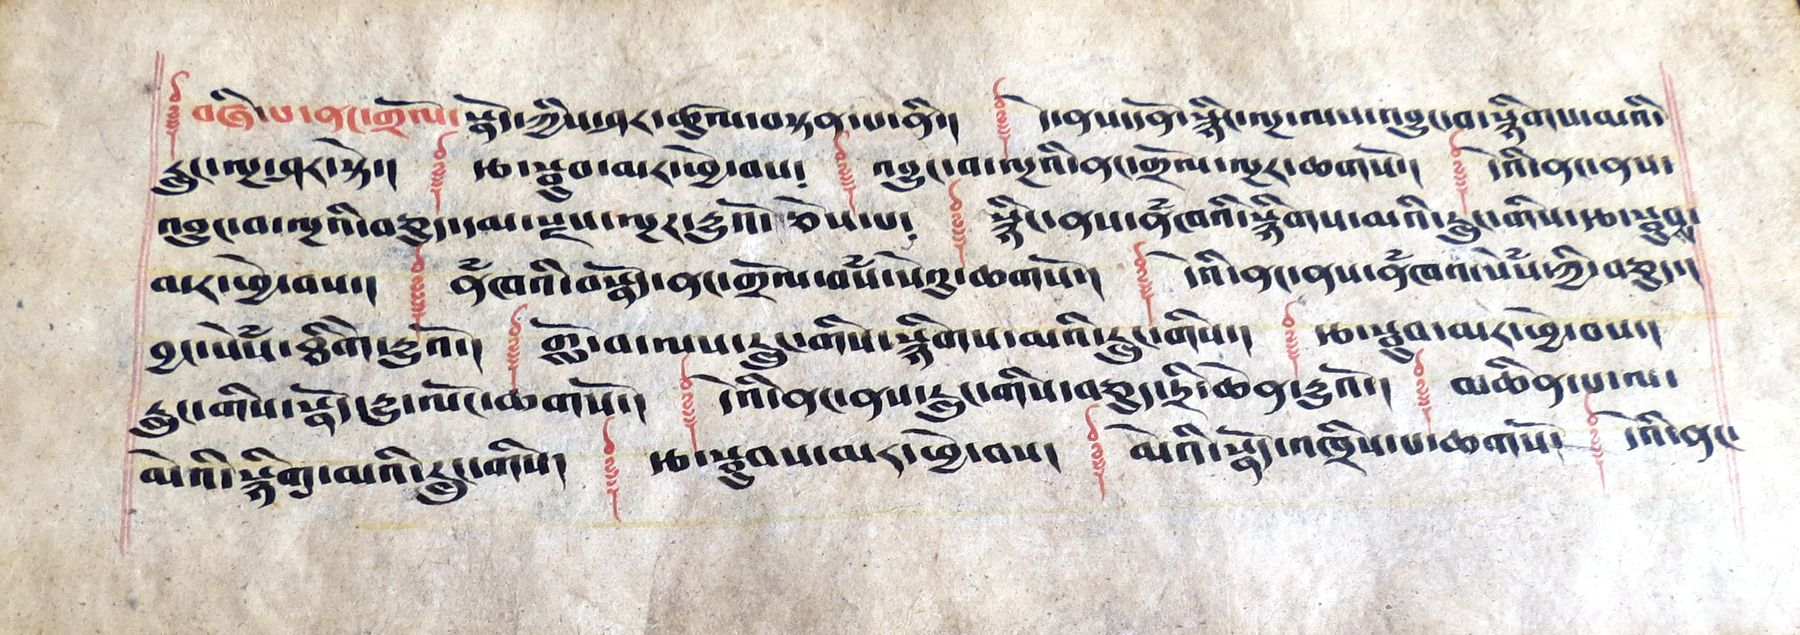བཞི་པ་ནང་གྲོལ་སྣོད་ཀྱི་ཤར་ཚུལ་བསྟན་པ་ནི། དེ་ནས་དོན་སྙིང་ལྔ་ལས་འབྱུང་བ་སྙིགས་མའི་
རླུང་ལྔ་ཤར་ཏེ། རྩ་སྦུབས་མར་ཕྱེས་བས། འབྱུང་བ་ལྔའི་སྣོད་ནང་གྲོལ་ལྔར་ཆགས་སོ། །དེའི་ནང་ན་
འབྱུང་བ་ལྔའི་བཅུད་དམ་རྫས་ལྔར་རྒྱུའོ་ཞེས་པས། སྙིང་ནས་ནམ་མཁའི་སྙིགས་མའི་རླུང་གིས། རྩ་སྦུབས་
མར་ཕྱེས་བས། ནམ་མཁའི་སྣོད་ནང་གྲོལ་བསམ་བསེའུ་ཆགས་སོ། །དེའི་ནང་ན་ནམ་མཁའ་སེམས་ཀྱི་བཅུད། 
བྱང་སེམས་ཐིག་ལེ་རྒྱུའོ། །གློ་བ་ལས་རླུང་གི་སྙིགས་མའི་རླུང་གིས། རྩ་སྦུབས་མར་ཕྱེས་བས། 
རླུང་གི་སྣོད་རྒྱུ་ལོང་ཆགས་སོ། །དེའི་ནང་ན་རླུང་གི་བཅུད་དྲི་ཆེན་རྒྱུའོ། །མཆིན་པ་ལས་
མེའི་སྙིགས་མའི་རླུང་གིས། རྩ་སྦུབས་མར་ཕྱེས་བས་མེའི་སྣོད་མཁྲིས་པ་ཆགས་སོ། །དེའི་ནང་